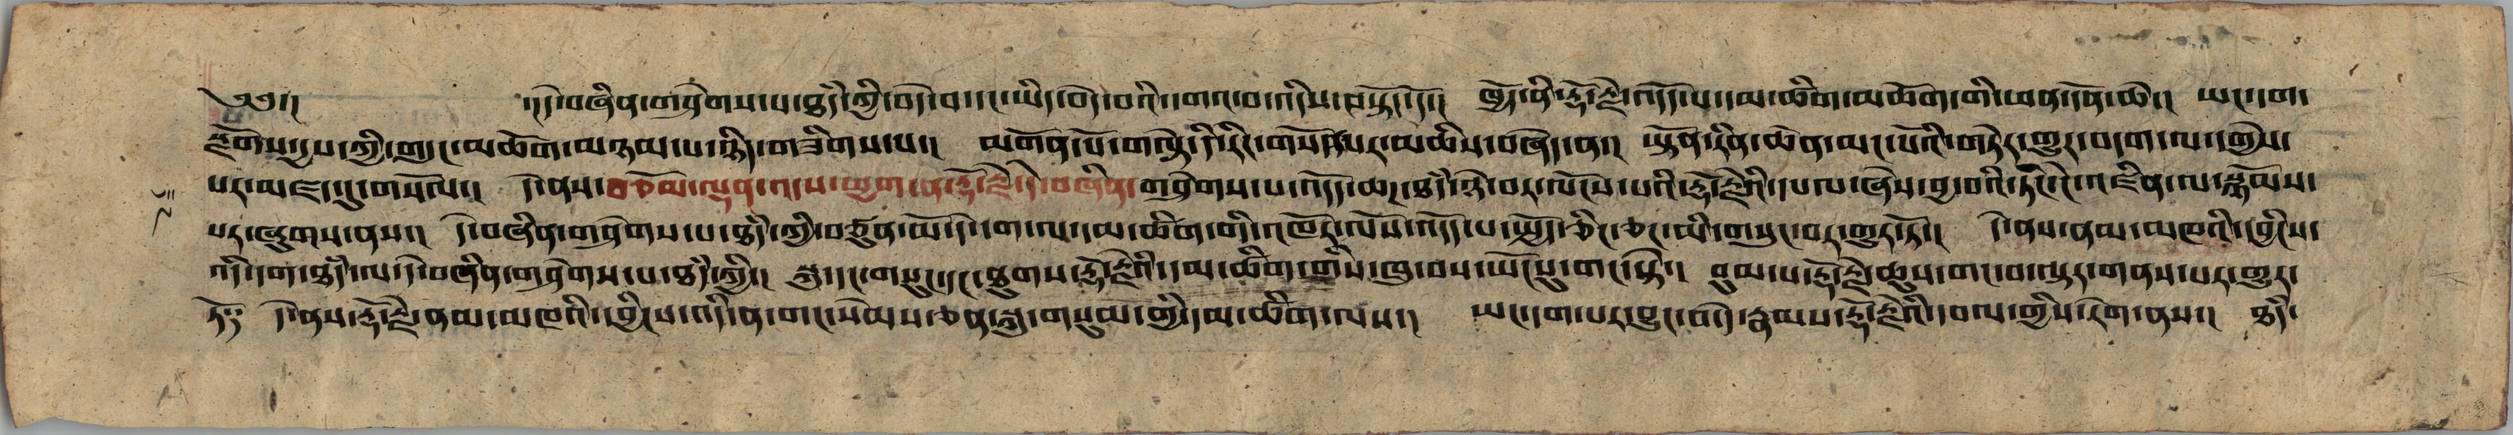༄༅་། ་།དེ་བཞིན་གཤེགས་པ་ཐཾད་ཀྱི་བདེ་བ་དང་ཡིད་བདེ་བའི་དགའ་བ་འདིས་བསྟོད་དོ་། ཁྱོད་ནི་རྡོ་རྗེ་འདོད་པ་དམ་ཚིག་མཆོག་གི་ཕན་དོན་ཆེ་། ཡང་དག་
སྫོགས་དྱས་ཀྱི་གདུང་མཆོག་མཉམ་པ་ཉིད་གཟིགས་པ་། མགོན་པོ་གལྟེ་དི་རིང་གསོད་པར་མཆིས་བཞེད་ན་། ཡྟོན་རིན་ཆེན་མང་པོའི་གཏེར་གྱུར་བདག་ལ་དགྱེས་
པར་མཛད་དུ་གསོལ་། དེ་ནས་བཅོམ་ལྡན་འདས་ཕྱག་ན་རྡོ་རྗེ་དེ་བཞིན་གཤེགས་པ་འདོད་ཆཌ་ཐཾད་ཉེ་བར་ལོངས་པའི་རྡོ་རྗེའི་དཔལ་ཞེས་བྱ་བའི་ཏིང་ངེ་འཛིན་ལ་སྙོམས་
པར་ཞུགས་ནས་། དེ་བཞིན་གཤེགས་པ་ཐཾད་ཀྱི་བཙུན་མོ་དེ་དག་ལ་དམ་ཚིག་གི་འཁོར་ལོས་འདོད་པ་སྤྱོད་ཅིང་ཅང་མི་གསུང་བར་གྱུར་ཏོ་། དེ་ནས་ནམ་མཁའི་དབྱིངས་
འདི་དག་ཐཾད་ལ་དེ་བཞིན་གཤེགས་པ་ཐཾད་ཀྱི་། སྐུ་དང་གསུང་དང་ཐུགས་རྡོ་རྗེའི་དམ་ཚིག་གིས་ཁུ་བས་ཡོངསུ་གང་སྟེ་། བུམ་པ་རྡོ་རྗེ་ཆུས་གང་བ་ལྟར་གནས་པར་གྱུར་
ཏོ༑ དེ་ནས་རྡོ་རྗེ་ནམ་མཁའི་དབྱིངས་འདི་ན་གང་སེམས་ཅན་སྐུ་གསུམ་གྱི་དམ་ཚིག་ལས་། ཡང་དག་པར་བྱུང་བ་དེ་རྣམས་རྡོ་རྗེའི་དབལ་གྱིས་རེག་ནས་། ཐཾད་